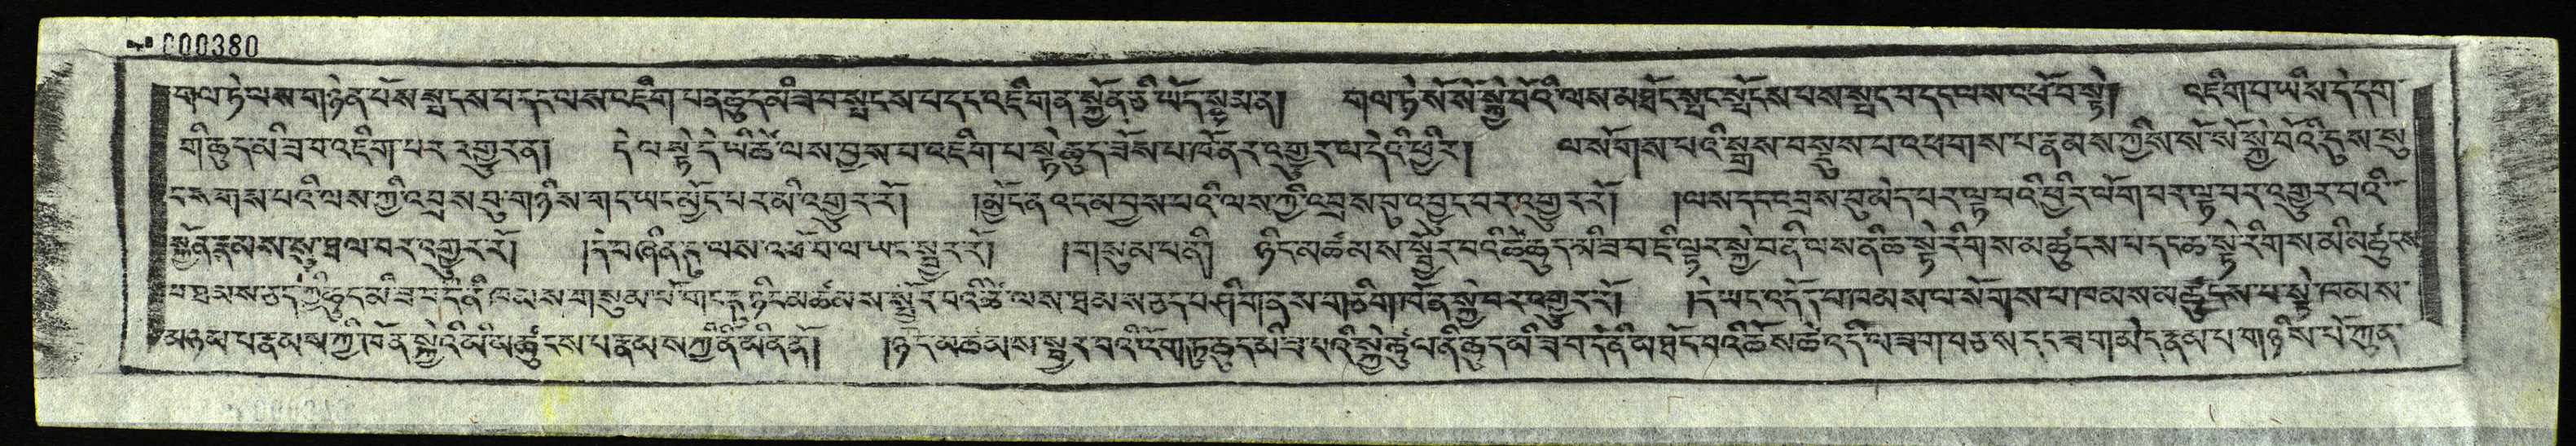གལ་ཏེ་ལས་གཉེན་པོས་སྤངས་པ་དང་ལས་འཇིག་པ་ན་ཆུད་མི་ཟ་བ་སྤངས་པ་དང་འཇིག་ན་སྐྱོན་ཅི་ཡོད་སྙམ་ན། གལ་ཏེ་སོ་སོ་སྐྱེ་བོའི་ལས་མཐོང་སྤང་སྤོངས་བས་སྤང་བ་དང་ལས་འཕོ་བ་སྟེ། འཇིག་པ་ཡིས་དེ་དག་
གི་ཆུད་མི་ཟ་བ་འཇིག་པར་འགྱུར་ན། དེ་ལ་སྟེ་དེ་ཡི་ཚེ་ལས་བྱས་པ་འཇིག་པ་སྟེ་ཆུད་ཟོས་པ་ཁོ་ནར་འགྱུར་ལ་དེའི་ཕྱིར། ལ་སོགས་པའི་སྒྲས་བསྡུས་པ་འཕགས་པ་རྣམས་ཀྱིས་སོ་སོ་སྐྱེ་བོའི་དུས་སུ་
བསགས་པའི་ལས་ཀྱི་འབྲས་བུ་གཉིས་གང་ཡང་མྱོང་བར་མི་འགྱུར་རོ། །མྱོང་ནའང་མ་བྱས་པའི་ལས་ཀྱི་འབྲས་བུ་འབྱུང་བར་འགྱུར་རོ། །ལས་དང་འབྲས་བུ་མེད་པར་ལྟ་བའི་ཕྱིར་ལོག་པར་ལྟ་བར་འགྱུར་བའི་
སྐྱོན་རྣམས་སུ་ཐལ་བར་འགྱུར་རོ། །དེ་བཞིན་དུ་ལས་འཕོ་བ་ལ་ཡང་སྦྱར་རོ། །གསུམ་པ་ནི། ཉིང་མཚམས་སྦྱོར་བའི་ཚེ་ཆུད་མི་ཟ་བ་ཇི་ལྟར་སྐྱེ་བ་ནི་ལས་ནི་ཆ་སྟེ་རིགས་མཚུངས་པ་དང་ཆ་སྟེ་རིགས་མི་མཚུངས་
པ་ཐམས་ཅད་ཀྱི་ཆུད་མི་ཟ་བ་དེ་ནི་ཁམས་གསུམ་པོ་གང་དུ་ཉིང་མཚམས་སྦྱོར་བའི་ཚེ་ལས་ཐམས་ཅད་བཤིག་ནས་གཅིག་ཁོ་ན་སྐྱེ་བར་འགྱུར་རོ། །དེ་ཡང་འདོད་པ་ཁམས་ལ་སོགས་པ་ཁམས་མཚུངས་པ་སྟེ་ཁམས་
མཉམ་པ་རྣམས་ཀྱི་ཁོ་ན་སྐྱེའི་མི་མཚུངས་པ་རྣམས་ཀྱི་ནི་མིན་ནོ། །ཉིང་མཚམས་སྦྱར་བའི་འོག་ཏུ་ཆུད་མི་ཟ་བའི་སྐྱེ་ཚུལ་ནི་ཆུད་མི་ཟ་བ་དེ་ནི་མཐོང་བའི་ཆོས་ཚེ་འདི་ལ་ཟག་བཅས་དང་ཟག་མེད་རྣམ་པ་གཉིས་པོ་ཀུན་